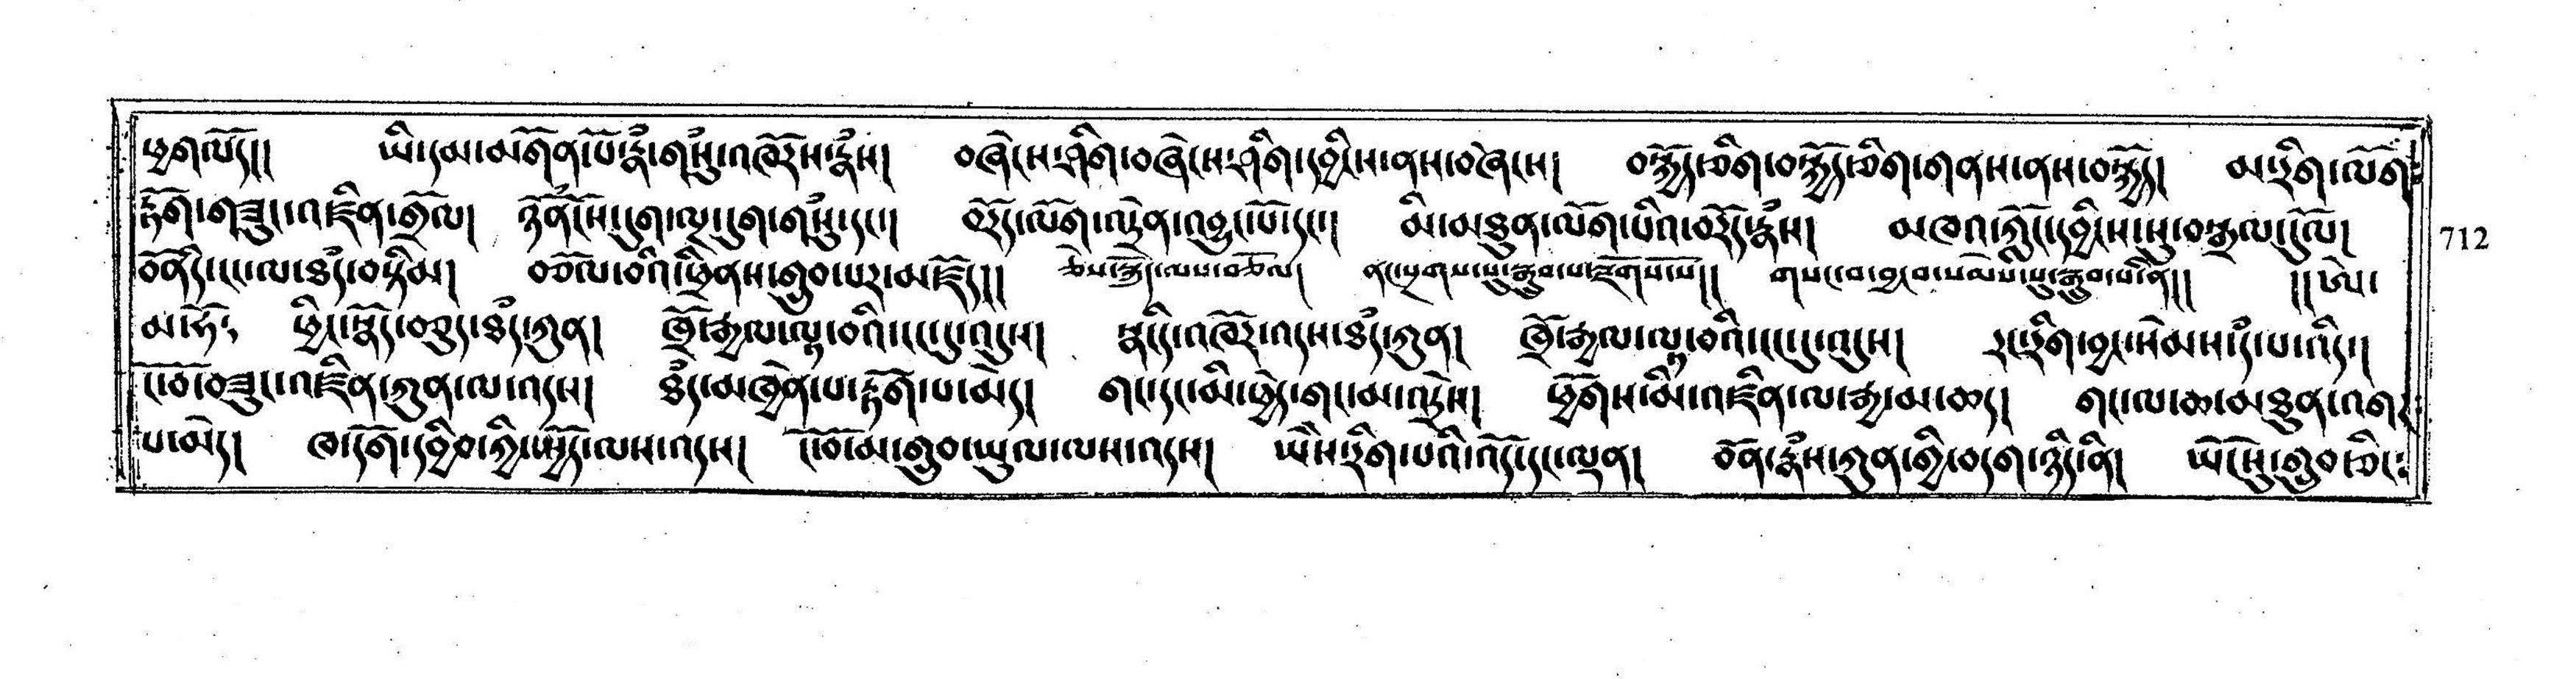ཕྱག་འཚལ་བསྟོད། ཡི་དམ་མགོན་པོ་རྣམ་གསུམ་འཁོར་བཅས་རྣམས། བཞེངས་ཤིག་བཞེངས་ཤིག་དབྱིངས་ནས་བཞེངས། བསྐྱོད་ཅིག་བསྐྱོད་ཅིག་གནས་ནས་བསྐྱོད། མ་རིག་ལོག་
རྟོག་གཟུང་འཛིན་གྲོལ། ཉོན་མོངས་དུག་ལྔ་དུག་གསུམ་དང་། བར་ཆོད་ལོག་འདྲེན་འབྱུང་པོ་དང་། མི་མཐུན་ལོག་པའི་བར་ཆོད་རྣམས། མཁའ་ཀློང་དབྱིངས་སུ་བསྒྲལ་དུ་གསོལ། 
བོན་ཉིད་ངང་ལ་ཐམས་ཅད་བསྟིམ། བཅོལ་པའི་ཕྲིན་ལས་གྲུབ་པར་མཛོད།། ཅེས་སྐུ་བསྟོད་ལས་བཅོལ། ནང་སྔགས་སུ་སྒྲུབ་པ་རྫོགས་སོ།། གསང་བ་བྱང་ཆུབ་སེམས་སུ་སྒྲུབ་པ་ནི།། །།ཨེ་
མ་ཧོ། ཕྱི་ནང་སྣོད་བཅུད་ཐམས་ཅད་ཀུན། ཁྲོ་རྒྱལ་ལྟ་བའི་ངང་དུ་འདུས། སྣང་སྲིད་འཁོར་འདས་ཐམས་ཅད་ཀུན། ཁྲོ་རྒྱལ་ལྟ་བའི་ངང་དུ་འདུས། རང་རིག་བྱང་སེམས་དམ་པ་འདི། 
ངོ་བོ་བཟུང་འཛིན་ཀུན་ལ་འདས། ཐམས་ཅད་མཁྱེན་པ་རྟོག་པ་མེད། གང་དང་མི་ཕྱེད་གང་མ་འདྲེས། ཕྱོགས་{735}མི་འཛིན་ལ་རྒྱ་མ་ཆད། གང་ལ་ཆ་མཐུན་འགགས་
པ་མེད། ཁ་དོག་དབྱིབ་ཀྱི་སྤྱོད་ལས་འདས། ངོ་བོ་མ་གྲུབ་ཡུལ་ལས་འདས། ཡེ་ཤེས་རིག་པའི་འོད་དང་ལྡན། བོན་རྣམས་ཀུན་གྱི་བདག་ཉིད་ནི། ཡོངས་སུ་གྲུབ་ཅིང་